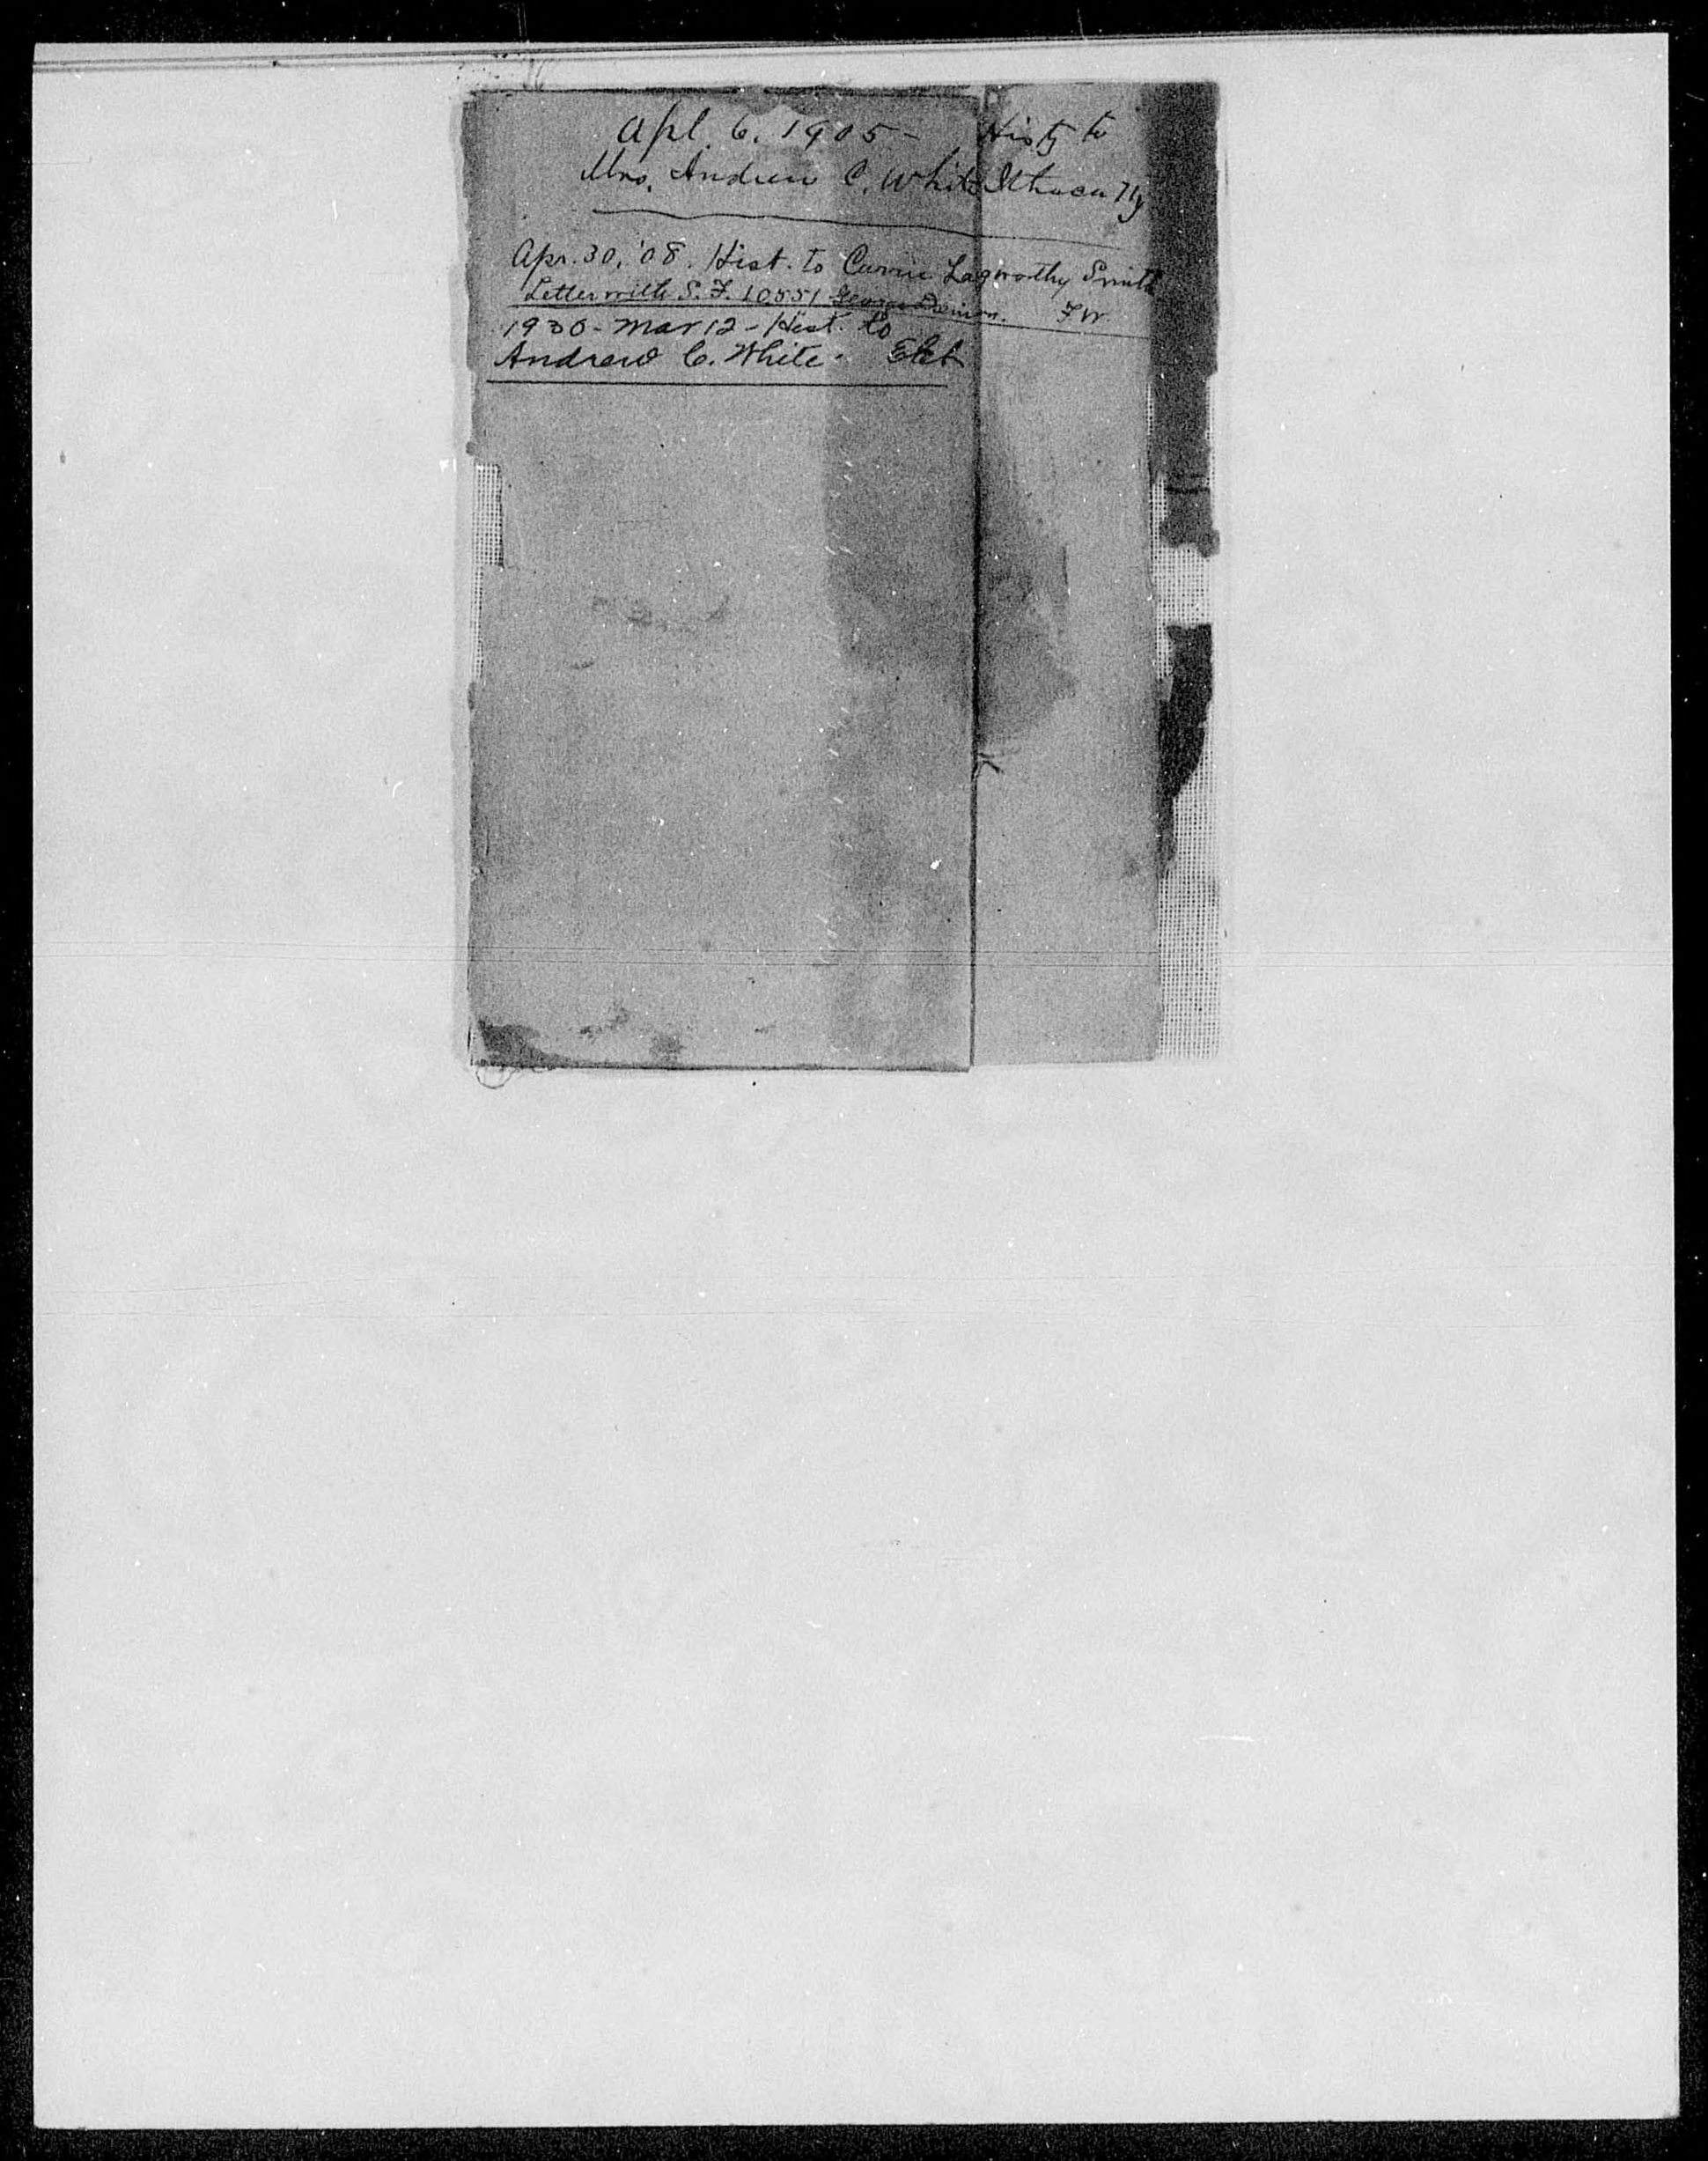Apl. 6, 1905 Histy to Mrs. Andrew C. White Ithaca Ny. Apr. 20, '08 Hist. to Carrie Langworthy Smith Letter with S. F. 10551 George Davison FW. 1930 Mar 12 - Hist to Andrew C. White EJF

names: Carrie Langworthy Smith, George Davison, Andrew C White, Andrew C White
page: 34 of 61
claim: survivor's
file: S. 22798, Paul Griffiths, R.I.